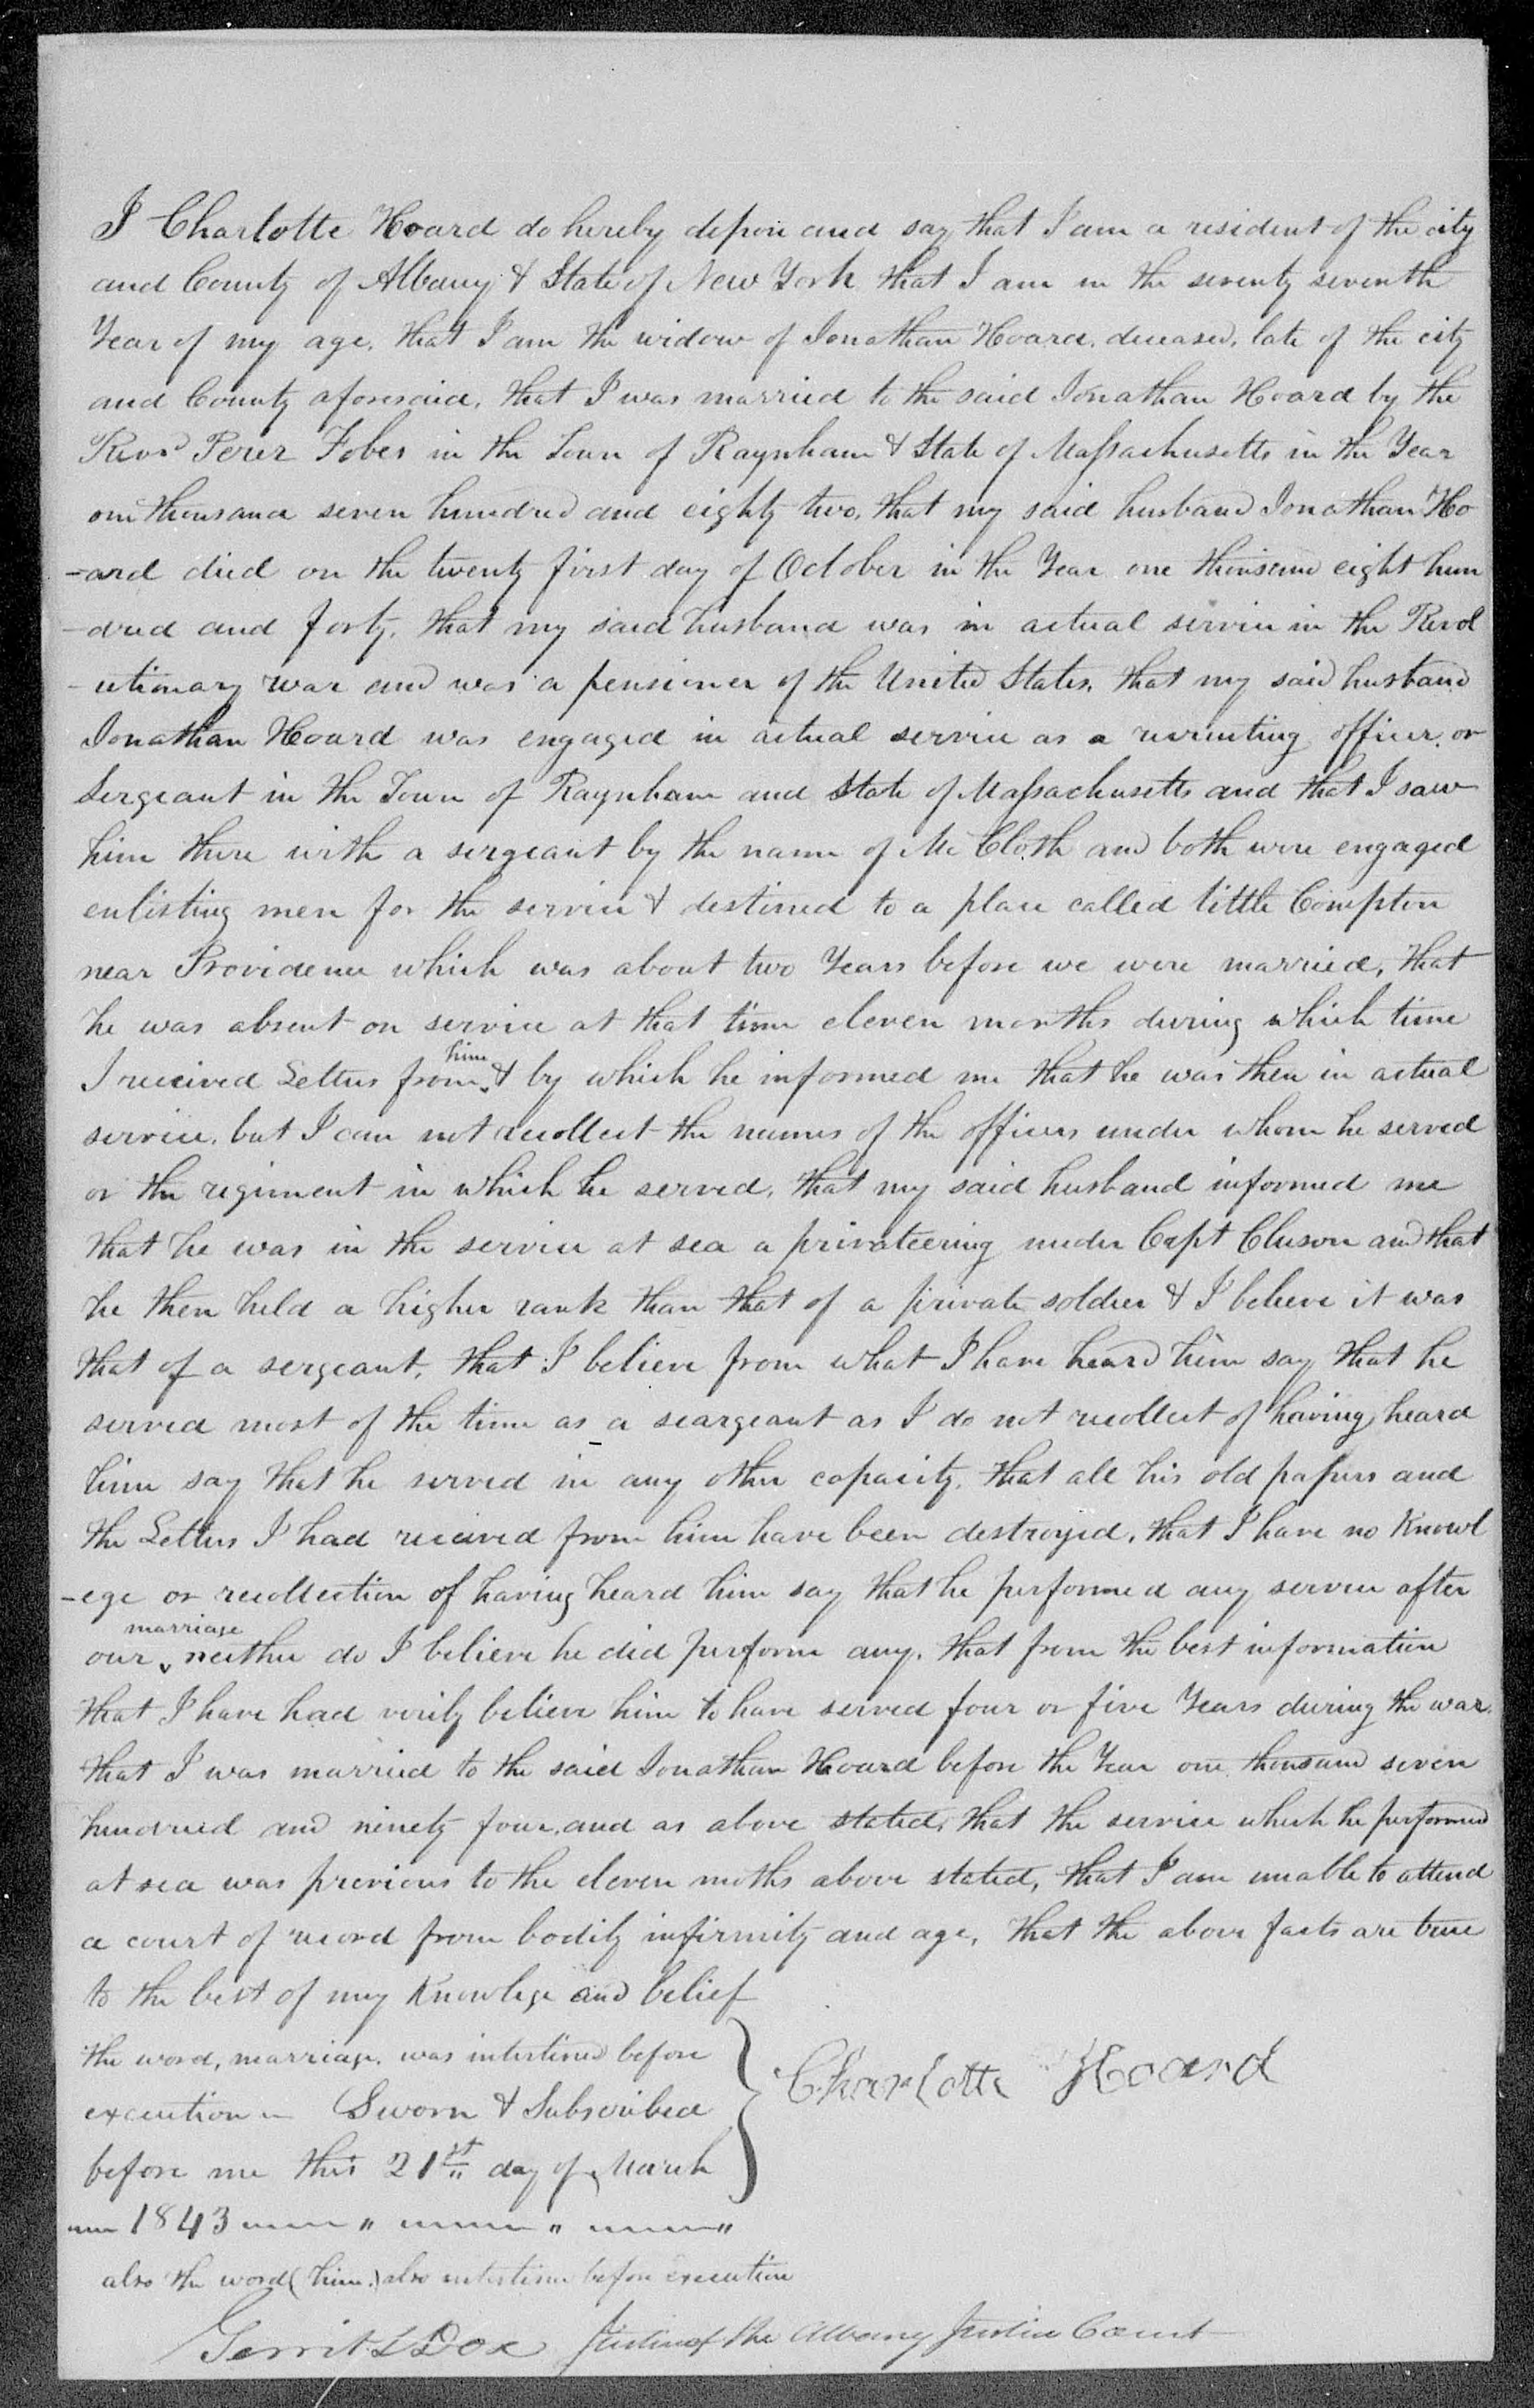I Charlotte Hoard do hereby depose and say that I am a resident of the city and County of Albany & State of New York that I am in the seventy seventh year of my age. that I am the widow of Jonathan Hoard, deceased, late of the city and County aforesaid, that I was married to the said Jonathan Hoard by the Revd Perez Fobes in the Town of Raynham & State of Massachusetts in the year one thousand seven hundred and eighty two, that my said husband Jonathan Hoard died on the twenty first day of October in the year one thousand eight hundred and forty that my said husband was in actual service in the Revolutionary war and was a pensioner of the United States, that my said husband Jonathan Hoard was engaged in actual service as a recruiting officer or Sergeant in the Town of Raynham and State of Massachusetts and that I saw him there with a sergeant by the name of McCloth and both were engaged enlisting men for the service & destined to a place called little Compton near Providence which was about two years before we were married, that he was absent on service at that time eleven months during which time I received Letter from & by which he informed me that he was then in actual service, but I can not recollect the names of the officers under whom he served or the regiment in which he served, that my said husband informed me that he was in the service at sea a privateering under Capt Cherson and that he then held a higher rank than that of a private soldier & I believe it was that of a sergeant, that I believe from what I have heard him say that he served most of the time as a sergeant as I do not recollect of having heard him say that he served in any other capacity, that all his old papers and the Letters I had received from him have been destroyed, that I have no knowlage or recollection of having heard him say that he performed any service after neither do I believe he did perform any that from the best information that I have had verily believe him to have served four or five years during the war that I was married to the said Jonathan Hoard before the year one thousand seven hundred and ninety four, and as above stated that the service which he performed at sea was previous to the eleven months above stated, that I am unable to attend a court of record from bodily infirmity and age, that the above facts are true to the best of my knowledge and belief 
Charlotte Hoard  (signature)

the word, marriage, was interlined before execution -- Sworn & Subscribed before me this 21st day of March 1843 -----
also the word (him, also interlined before execution

Gerrit L Dox Justice of the Albany Justices Court (signature)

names: Jonathan Hoard, Charlotte Hoard, Cloth, Jonathan Hoard, Gerrit L Dox, Cluson, Perer Fobes, Jonathan Hoard, Jonathan Hoard, Charlotte Hoard, Jonathan Hoard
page: 44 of 52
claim: widow's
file: W 19755, Jonathan Hoard, Mass.